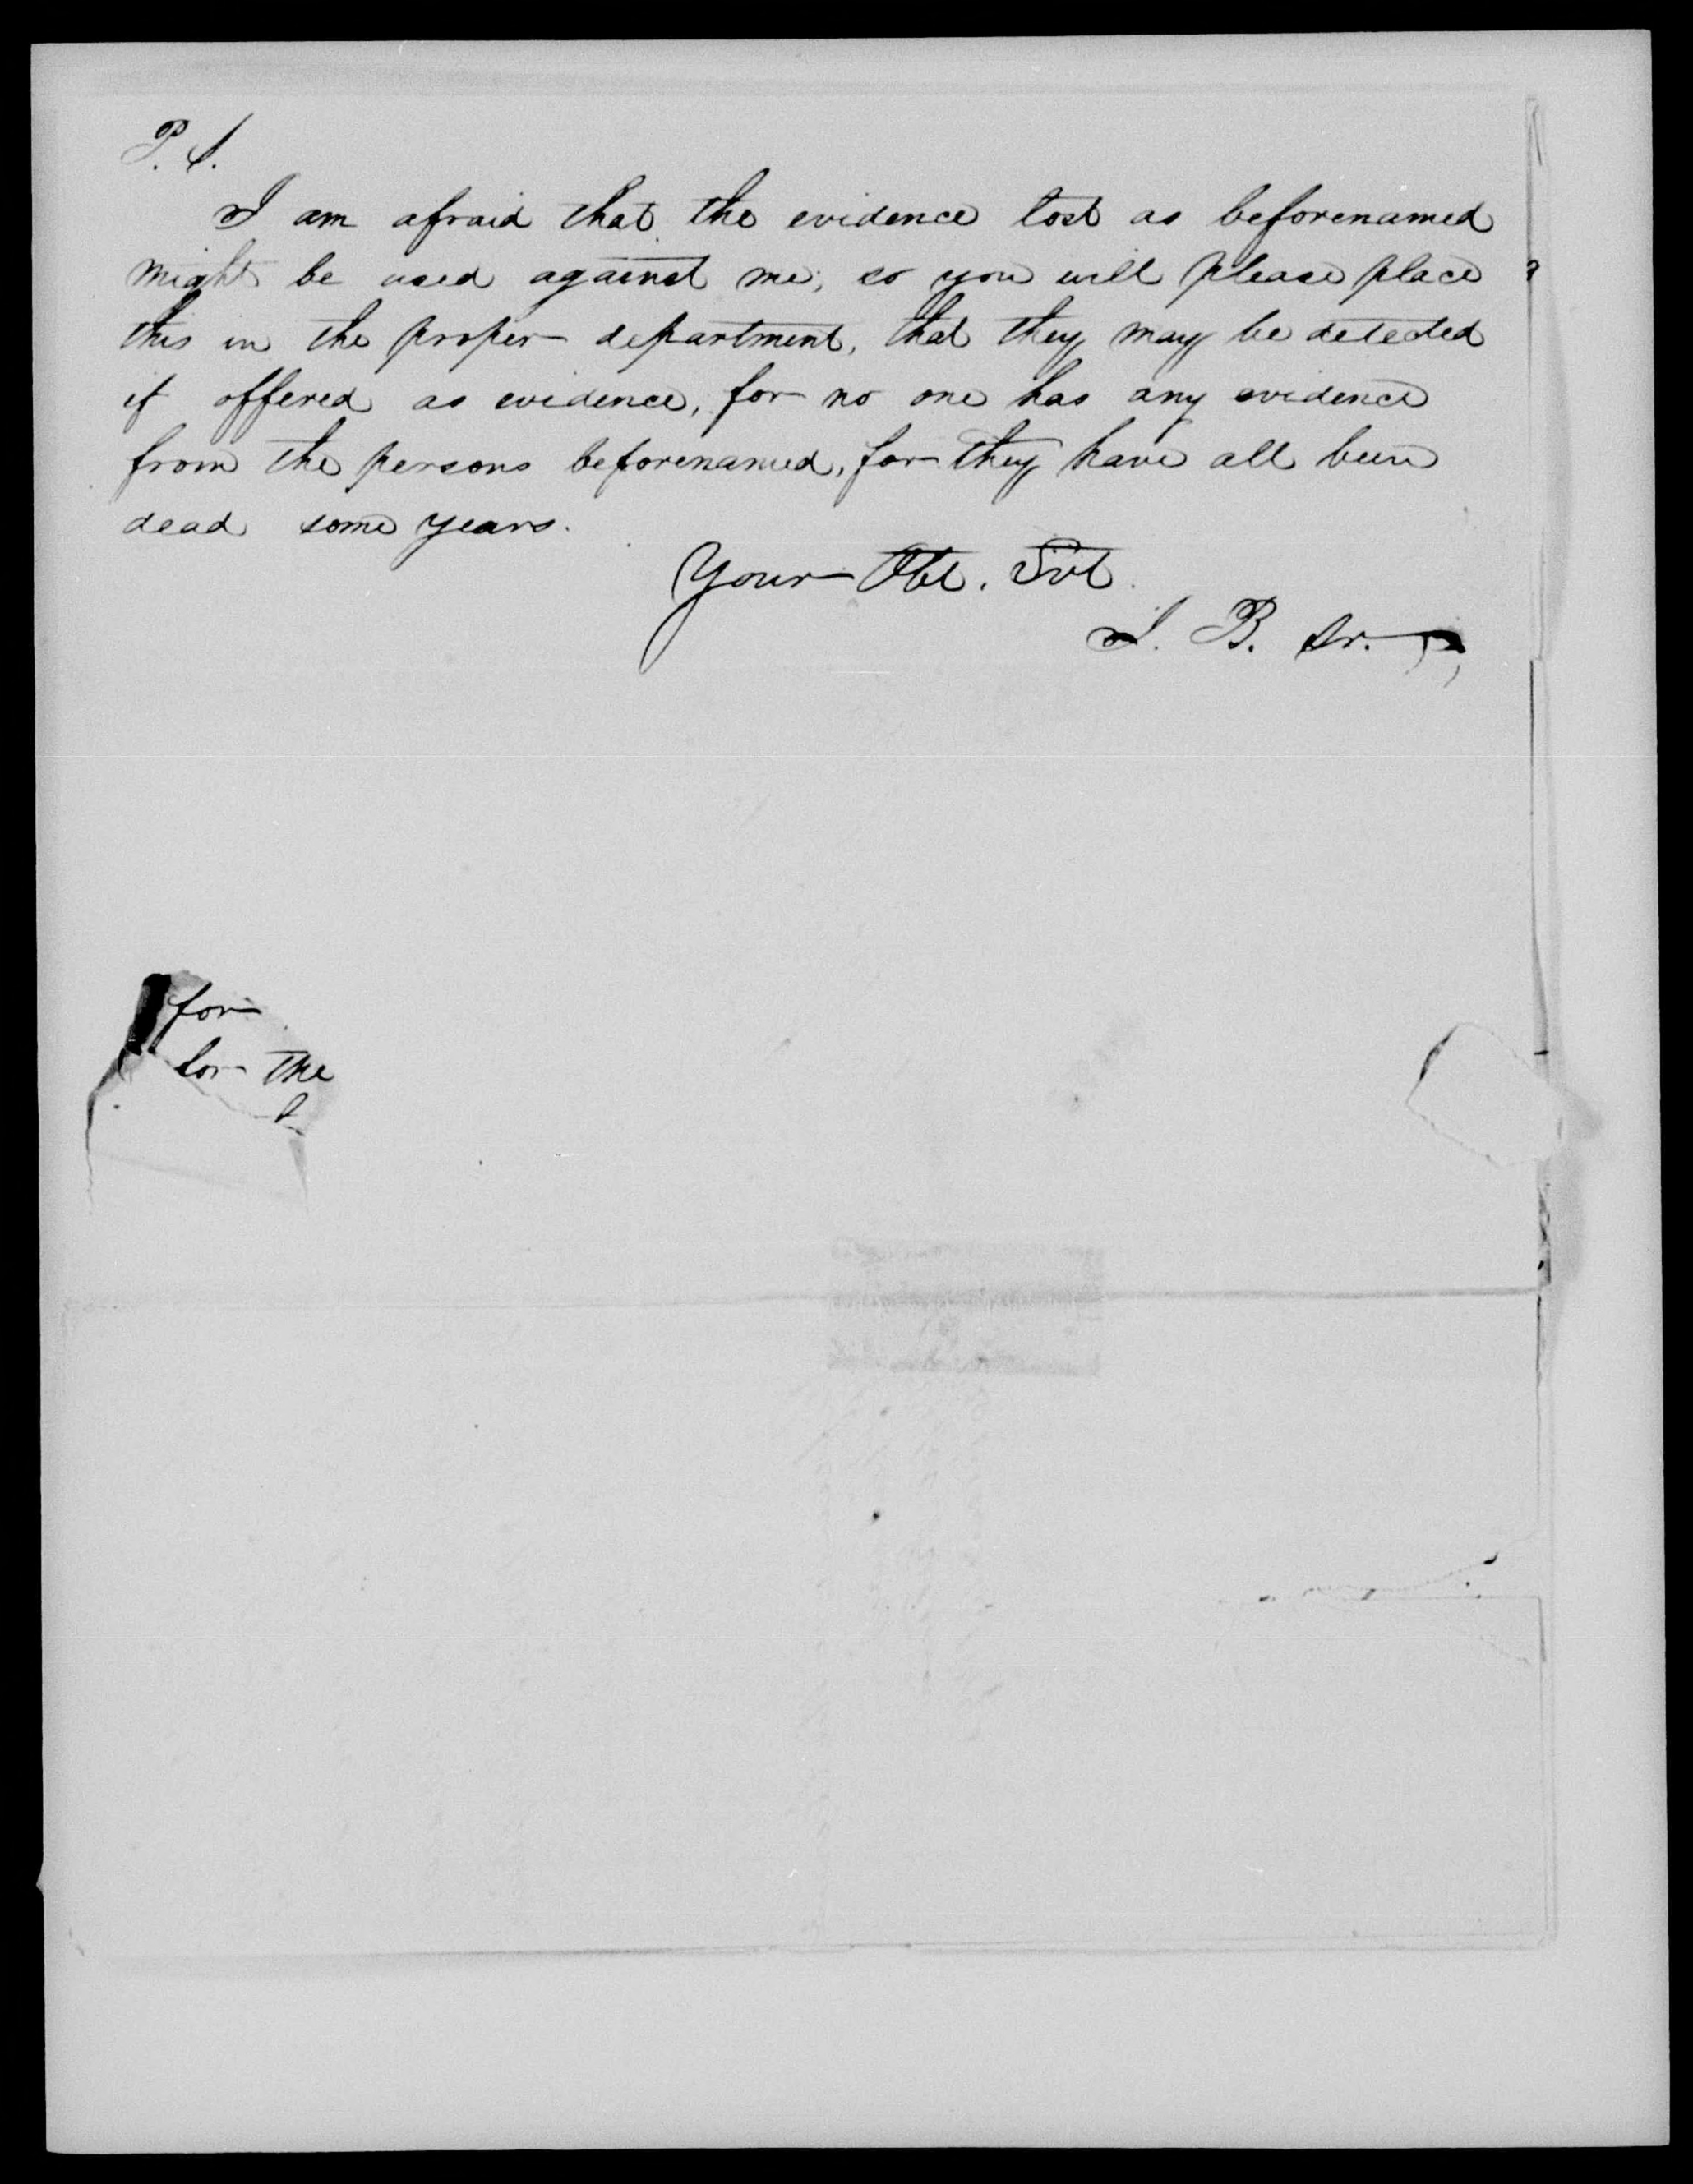P. S.
I am afraid that the evidence lost as beforenamed might be used against me; so you will please place this in the proper department, that they may be detected if offered as evidence, for no one has any evidence from the persons beforenamed, for they have all been dead some years.
Your Obt. Svt.
J. B. Sr.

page: 14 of 30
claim: rejected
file: R. 16,555, for Thomas Morris, Georgia